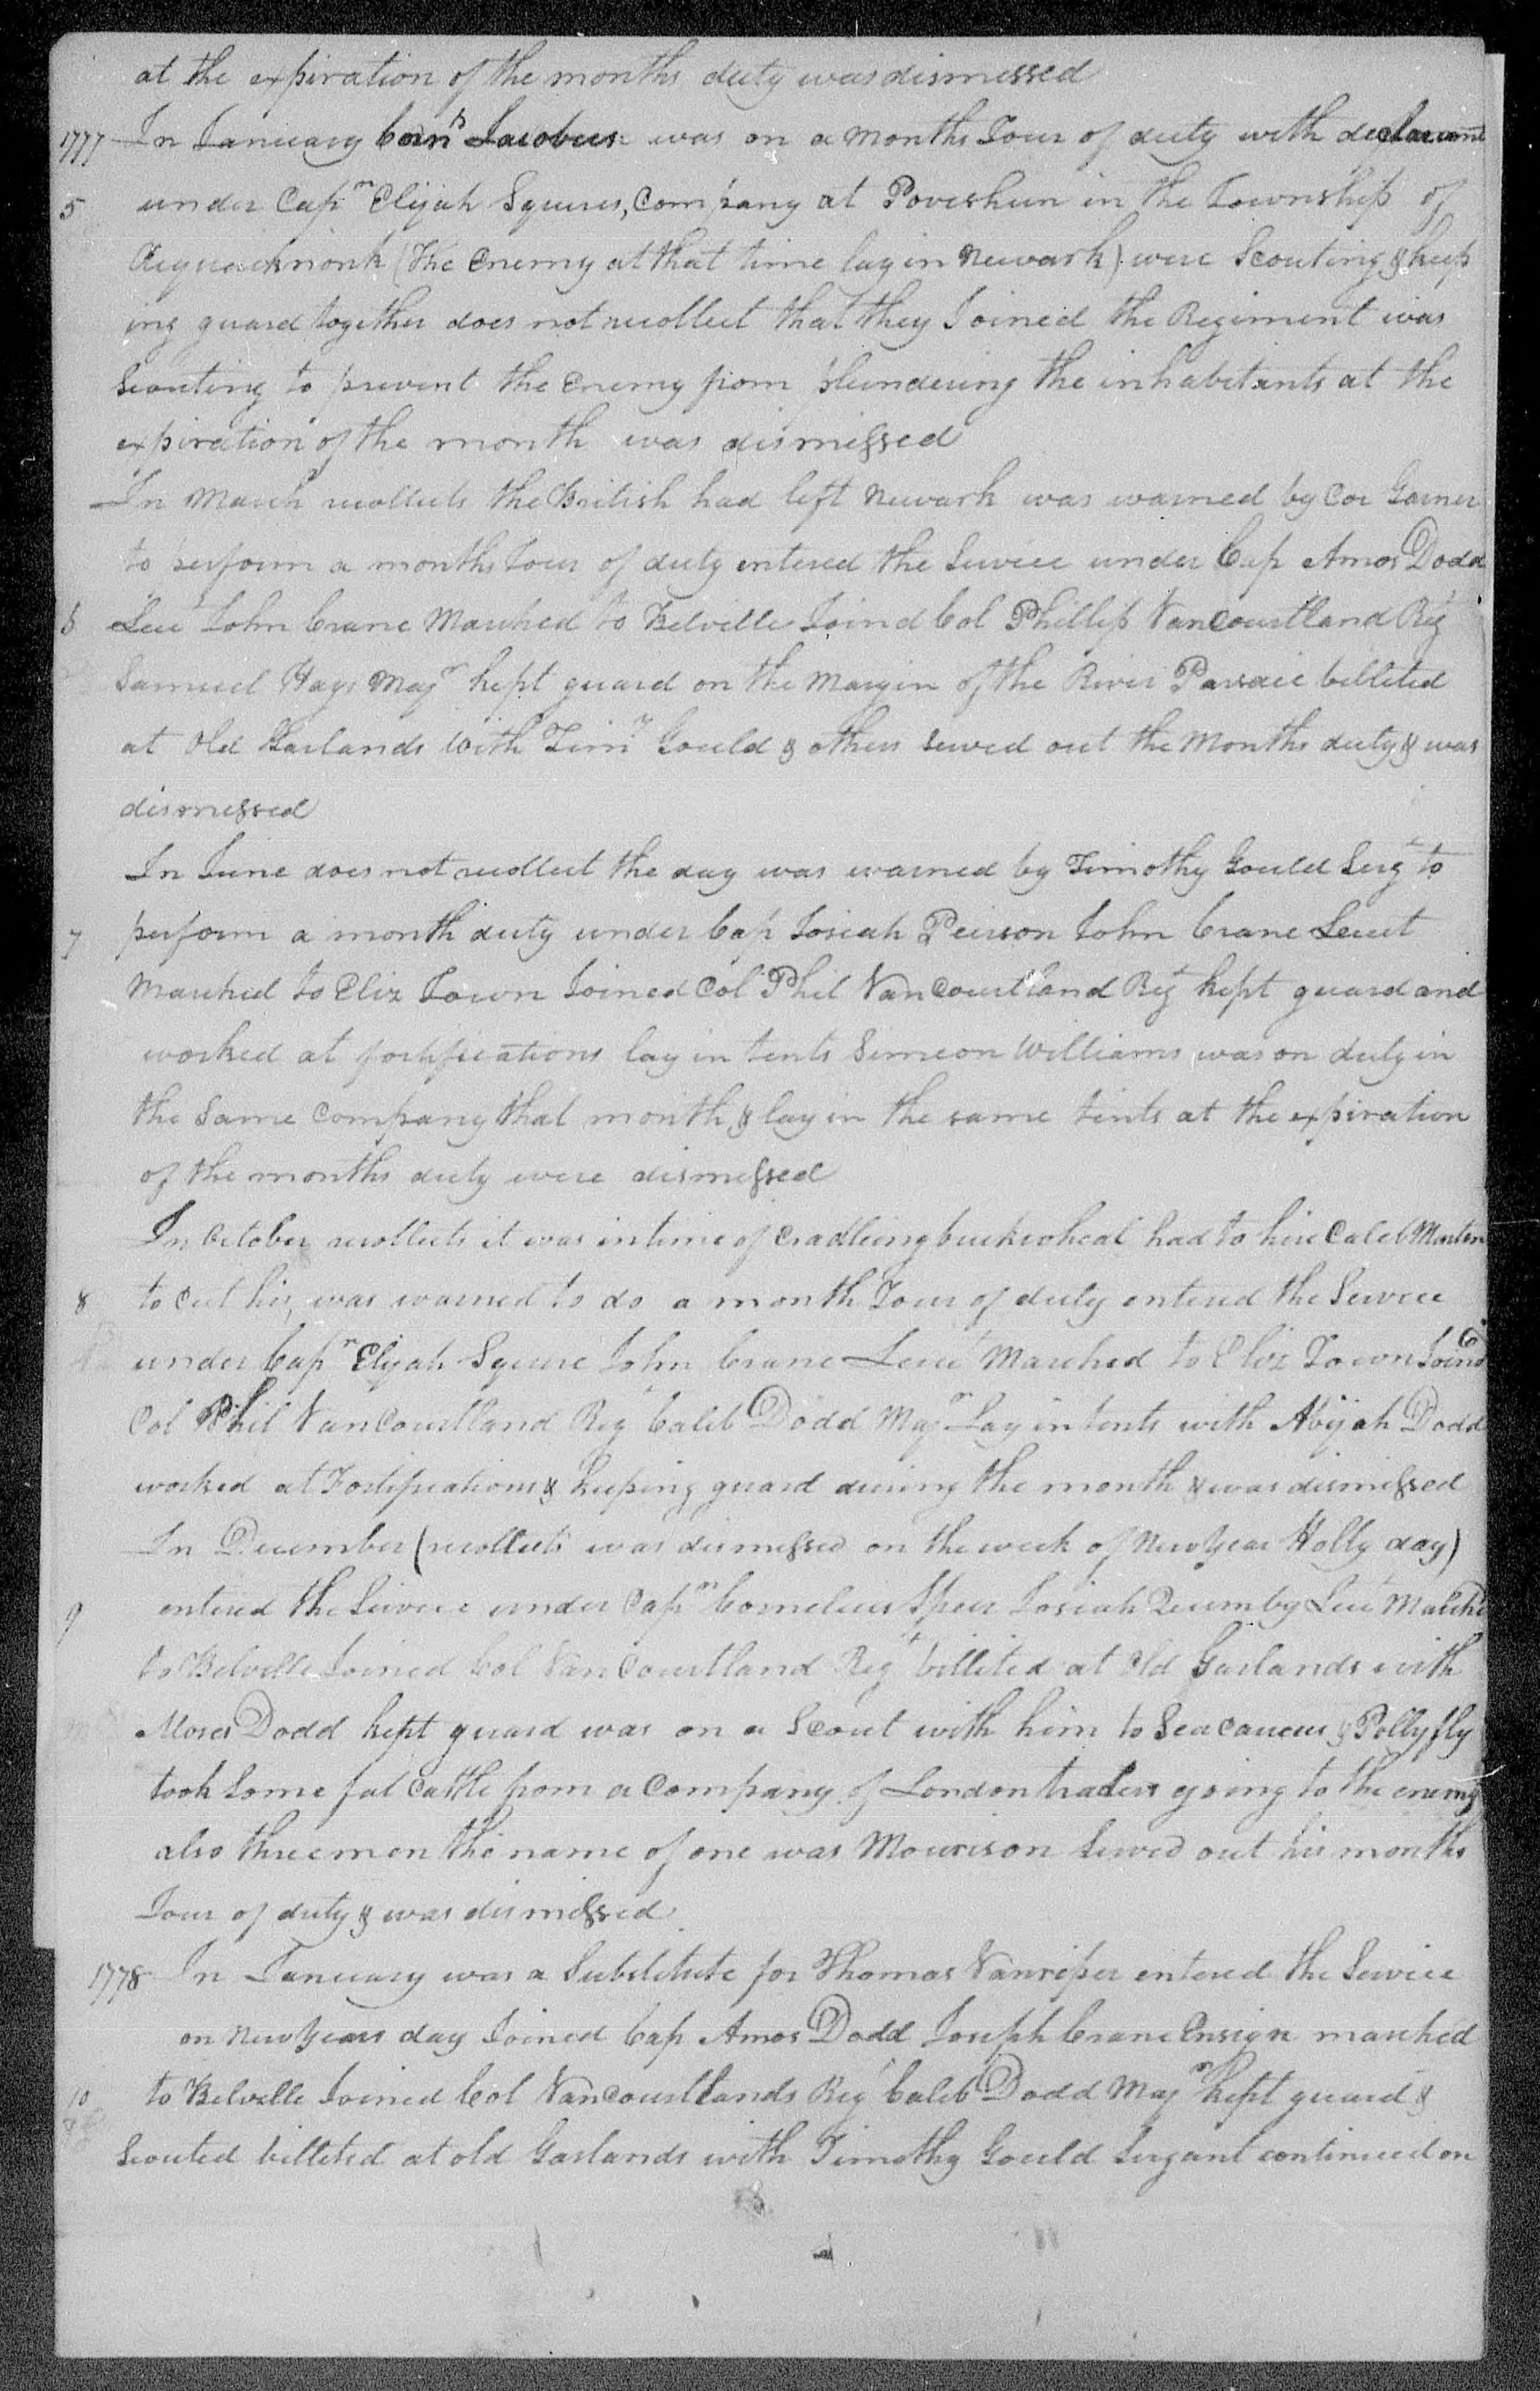at the expiration of the mont duty was dismissed

1777                             In January ? ? was on a month tour of duty with detachment

5                                     under Capn Elijah Squires, Company at Poverhun in the township of

                                        Acquackanonk  (The enemy at the time lay in Newark) were scouting sheep -

                                       ing guard together does not recollect that they joined the regiment was

                                       scouting to prevent the enemy from plundering the inhabitant at 

                                       expiration of the month was dismissed
billited

                                        In March recollects the British had left Newark was warned by Cor Carner

                                         to perform a months tour of duty enter the Service under Cap Amos Dodd

6                                      Leu John Crane marched to Belville joined Col Phillip Van Courtland Reg

                                         Samuel Hays may kep guard on the margin of the River Passaic billited

                                          at Old Garlands with Tim Gould & Others served out the months duty & was

                                          dimissed

                                              
                                          In June does not recollect the day was warned by Timothy Gould Serg to

7                                       perform a month duty under Cap Pierson  John Crane Lieut

                                           marched to Elis Town  joined Phil Van Courtland Reg kept guard and

                                           worked at fortification lay in tents Simeon Williams was on duty in

                                           the same company that mon& lay in the same tents as the expiration

                                            of the months duty were dismissed


                                           In October recollects it was intime of cradling buckwheat had to hire Caleb Martin

8                                         to cut his, was warned to do a month Tour of Duty intend the service

                                            under Cap Elijah Squire  Joh Crane Lieut marched to Eliz Town joined

                                            Col Phil Van Courtland Reg  Caleb Dodd Maj lay intents with Abijah Dodd

                                            worked at Fortifications keeping guard during the month was dismissed


                                            In December (recollect was dismissed on the week of New Year Holly day)

9                                          entered the Service under Capt Cornelius Speer  Josiah Quimby by Lieut marched

                                             to Belville joined Col Van Courtland reg billied at Old Garland with

                                             Moses Dodd kept guard was on a Scout with himto Seacancus & Pollyfly

                                             took some fat cattle from a a company of Loudon traders going to the enemcy

                                              also three men the name of one was Morrison served out his month

                                             Tour of duty was dismissed


1778                                    In January was substitute for Thomas Vanriper entered the service

                                              on New Years day joined Amos dodd   Joseph Crane Ensign marched

10                                         to Belville   Joined Col Van Courtland Reg   Caleb Dodd Maj kept guard

                                              Scouted billeted at Old Garlands with Timothy Gould Sergant continued on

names: Caleb Martin, Thomas Vanriper, Joseph Crane, Samuel Hays, Josiah Pierson, Abijah Dodd, Timy Gould, John Crane, Caleb Dodd, Timothy Gould, John Crane, Simeon Williams, Elijah Squire, John Crane, Amos Dodd, Cornelius Speer, Timothy Gould, Moses Dodd, Josiah Quimby, Caleb Dodd, Amos Dodd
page: 3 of 32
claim: rejected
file: R. 2441, Aaron Crane, New Jersey